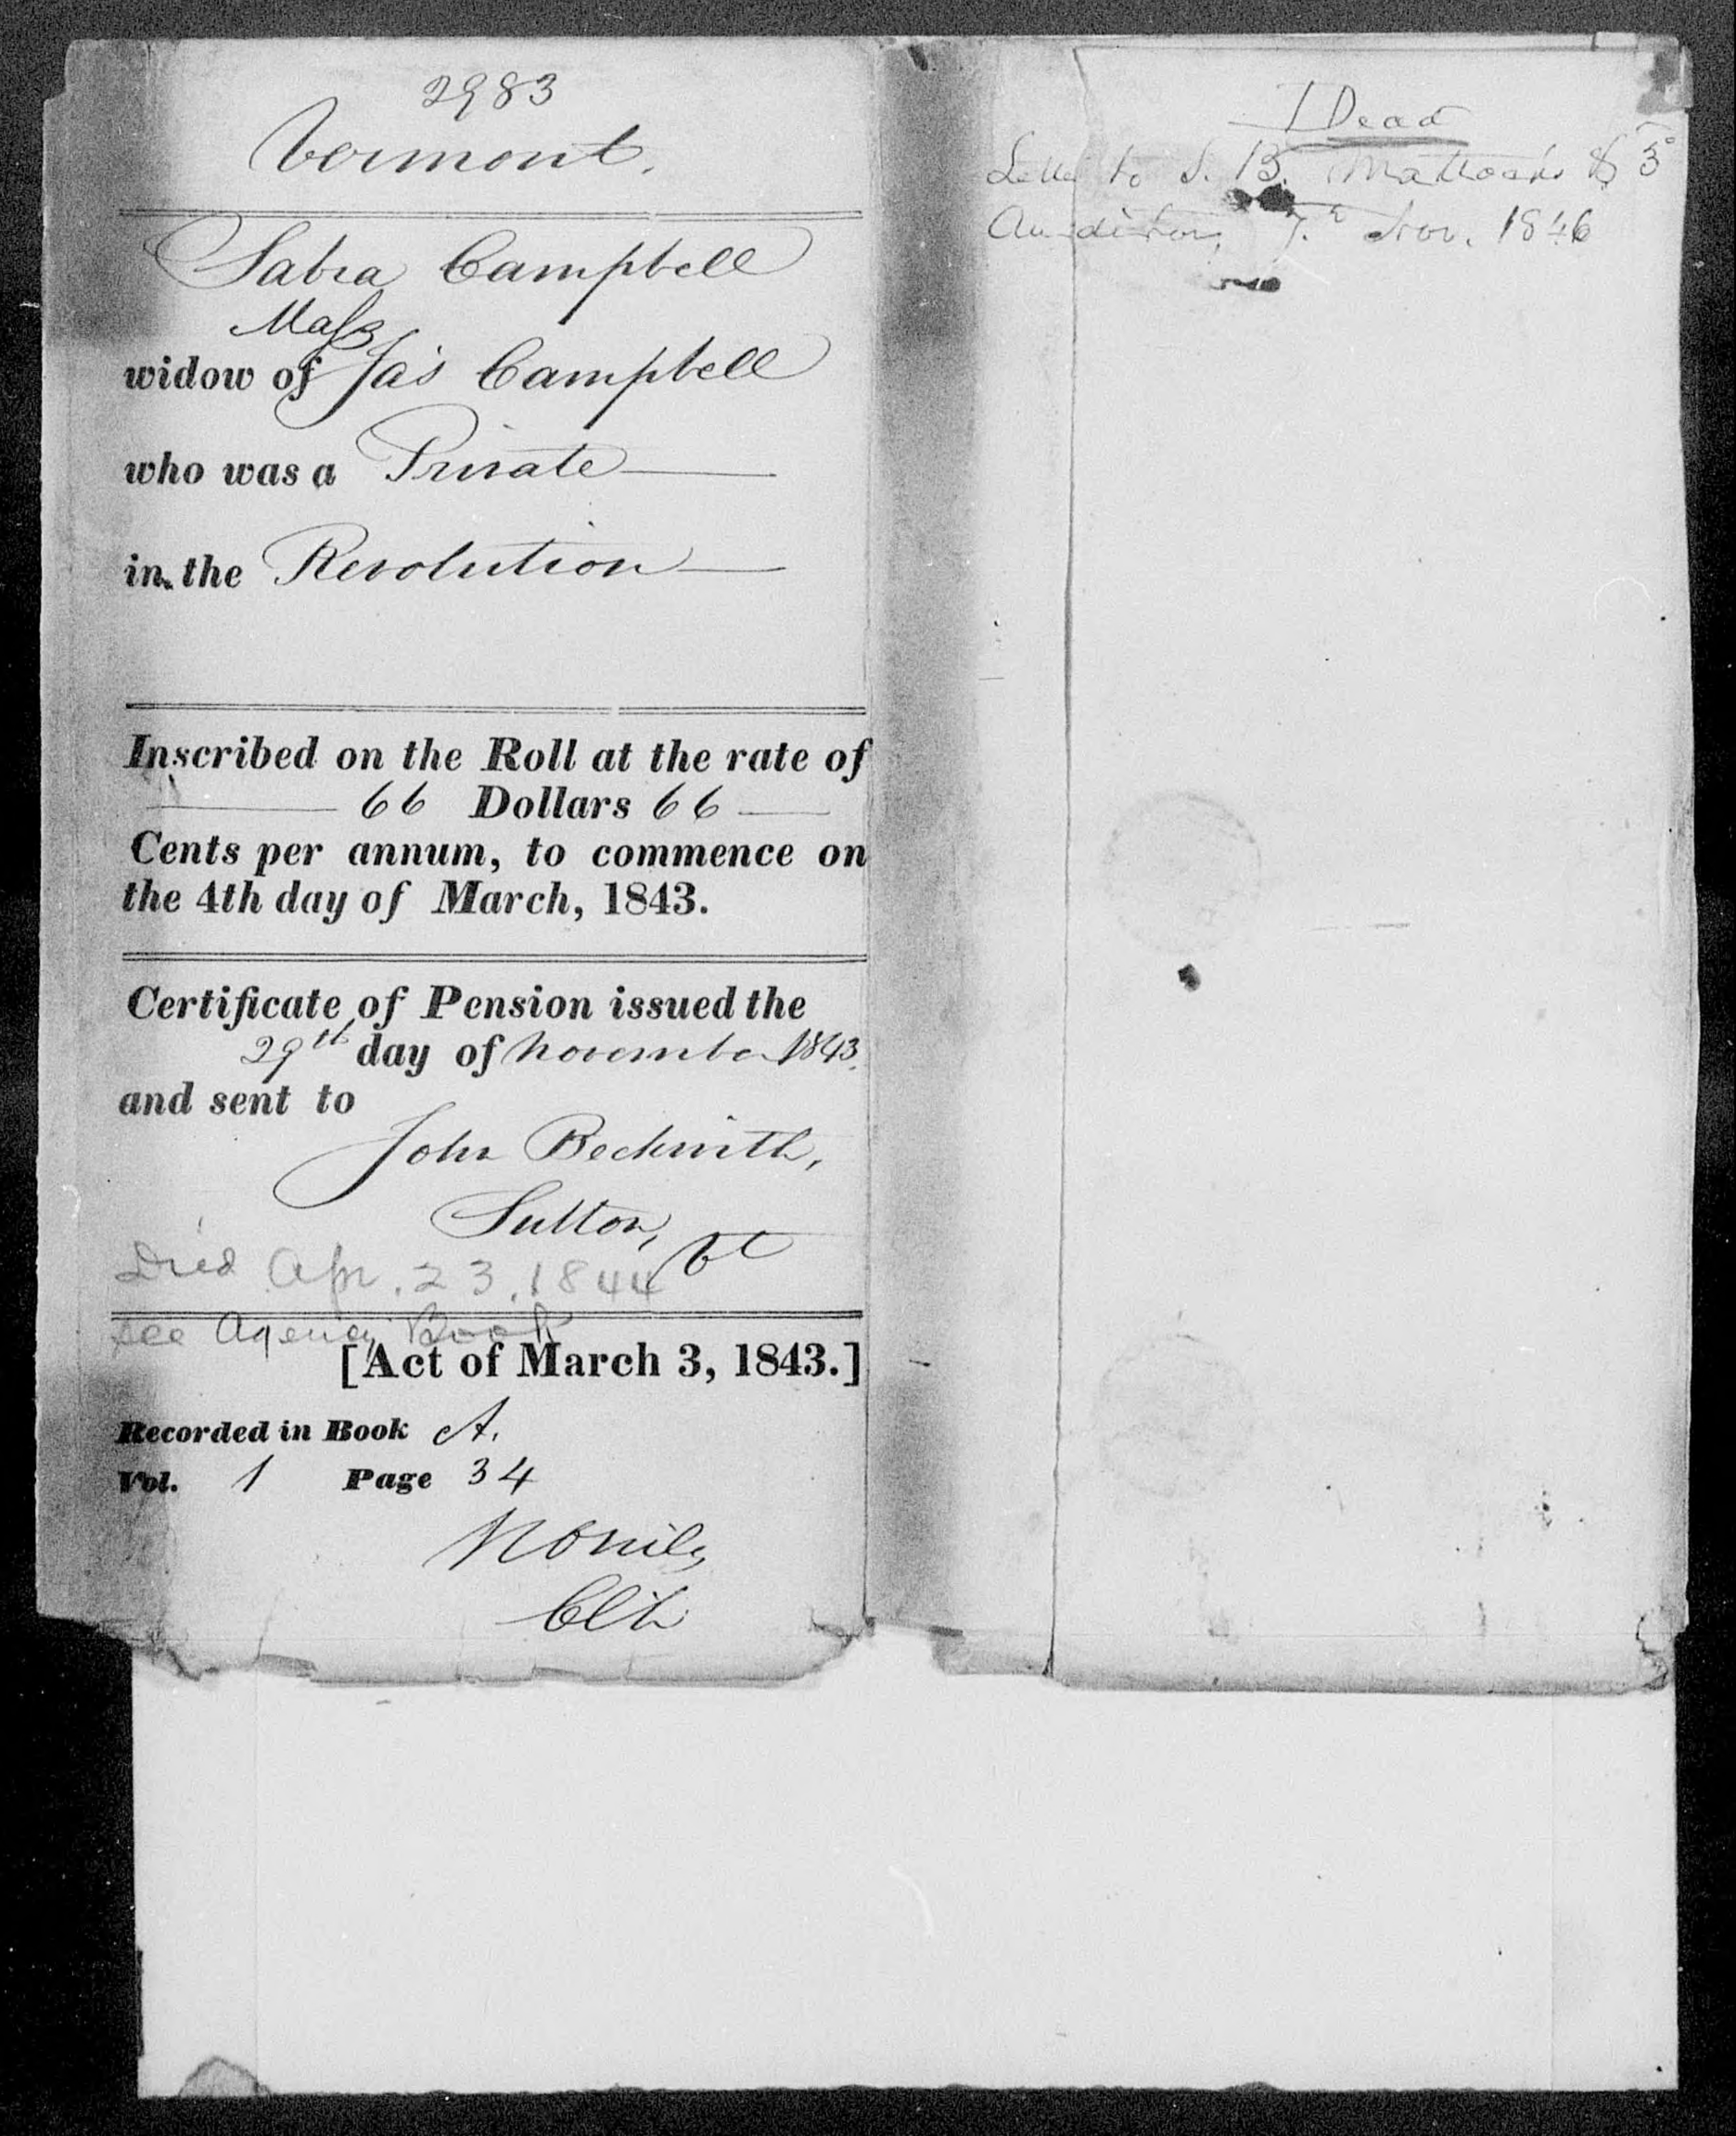2983
Vermont,
Sabra Campbell
Mass
widow of Jas Campbell
who was a Private
in the Revolution

Inscribed on the Roll at the rate of
66 Dollars 66 Cents per annum, to commence on the 4th day of March, 1843.

Certificate of Pension issued the
29th day of November 1843.
and sent to
John Beckwith,
Sutton, Vt
Died Apr. 23, 1844
see Agency Book

[Act of March 3, 1843.]
Recorded in Book A.
Vol. 1  Page 34
Nonily
Clk


Head
Letter to S. B. Mattocks & 3
Auditor 7h. Nov. 1846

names: Jas Campbell, Sabra Campbell, S B Mattocks, John Beckwith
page: 3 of 67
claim: widow's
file: W. 23772, James Campbell, Continental Mass.